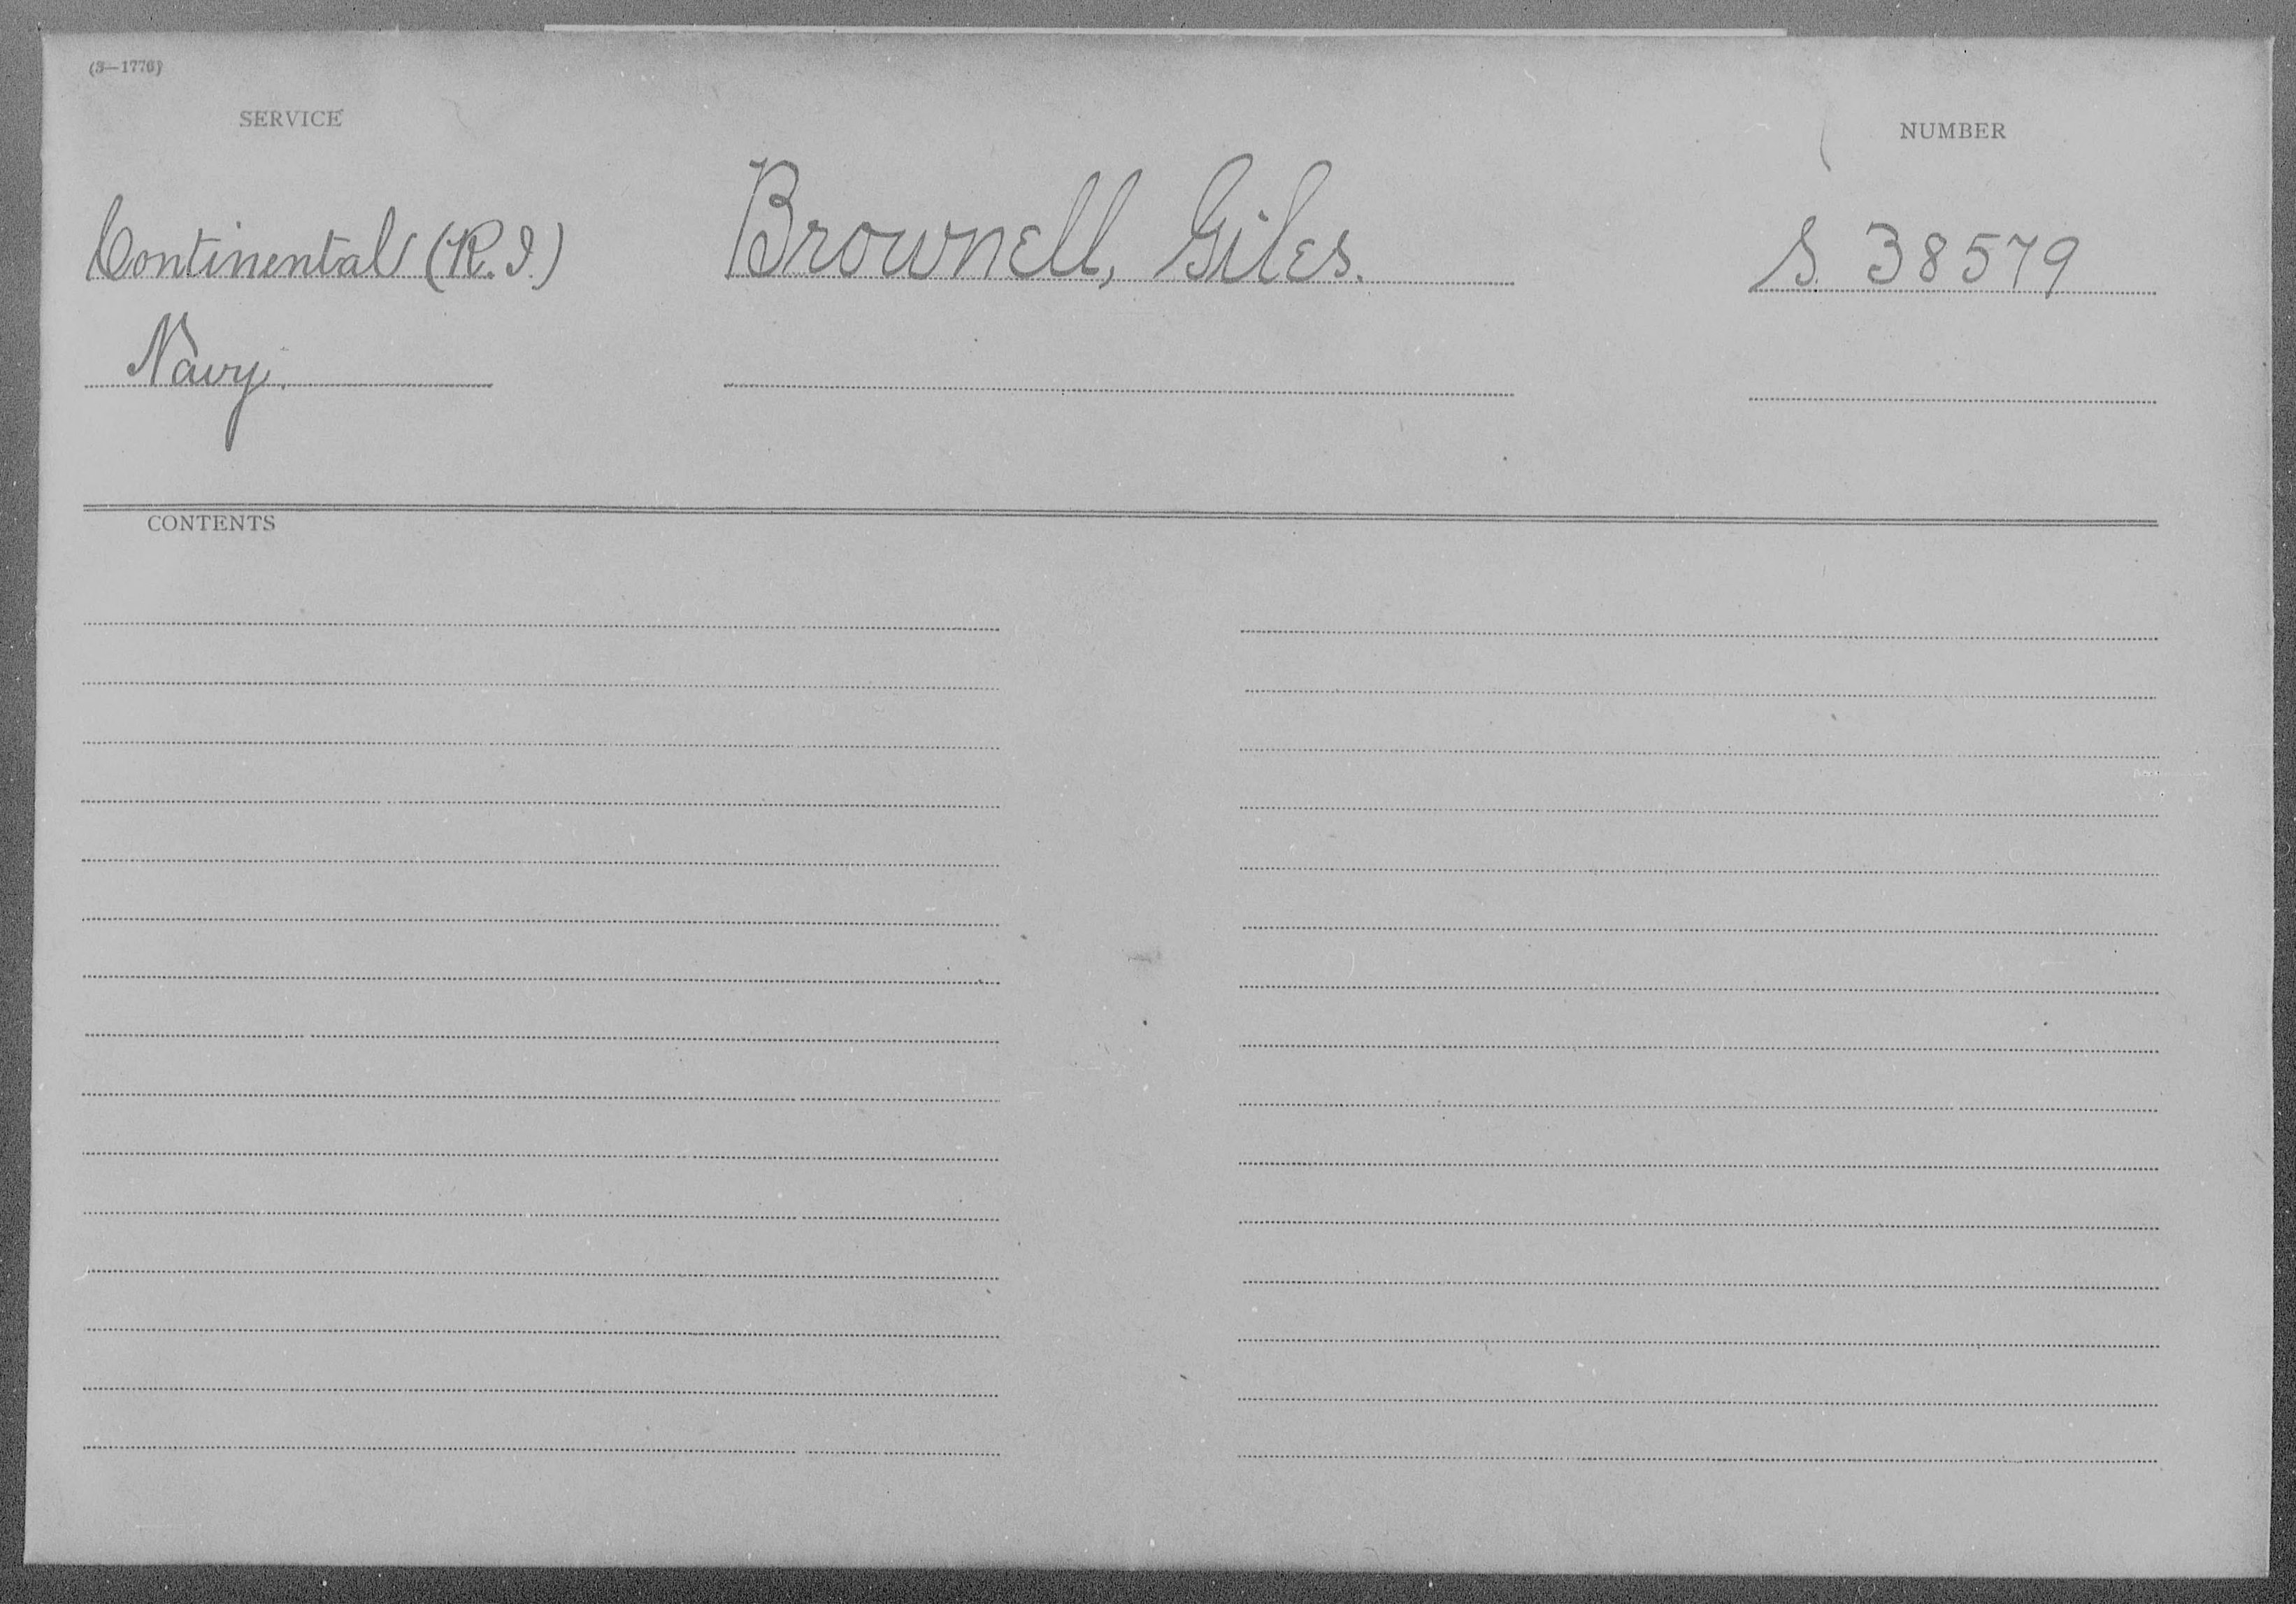(5 - 1776)
SERVICE
Continental (R.I.)
Navy

Brownell, Giles.

NUMBER
S 38579

CONTENTS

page: 1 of 12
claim: survivor's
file: S. 38579, Giles Brownell, Continental (R.I.) Navy